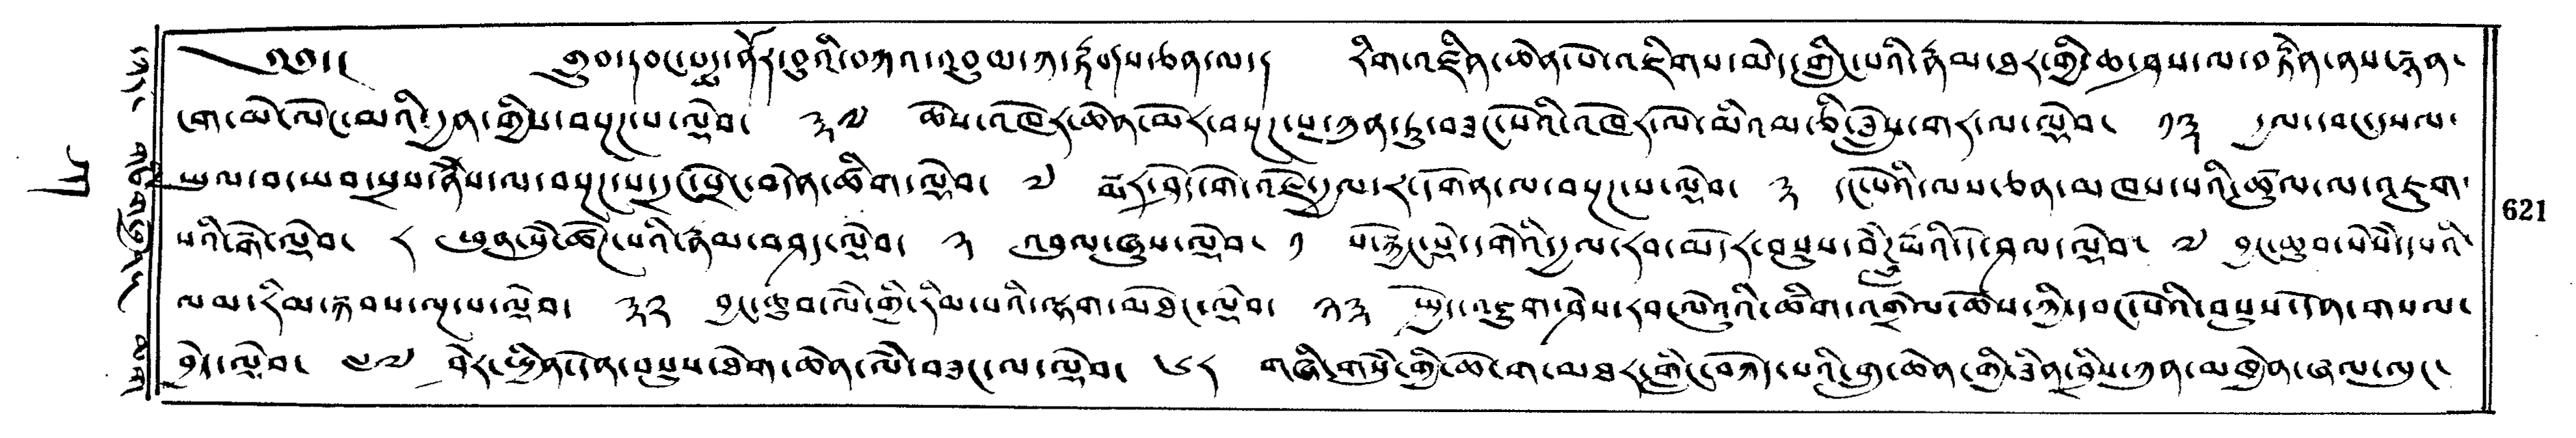གྲུབ་དབང་པདྨ་ནོར་བུའི་བཀའ་འབུམ་༼ཀ་༽རྟགས་ཅན་ལ།1$1000320 རིག་འཛིན་ཆེན་པོ་འཇིགས་མེད་གླིང་པའི་རྣམ་ཐར་གྱི་ཆ་ཤས་ལ་བརྟེན་ནས་སྙན་
ངག་མེ་ལོང་མའི་རྒྱན་གྱིས་བསྔགས་པ་ལྡེབ། ༣༧ ཆོས་འཁོར་ཆེན་མོར་བསྔགས་པ་ཀུན་ཏུ་བཟང་པོའི་འཁོར་ལོ་མིའམ་ཅིའི་ཟློས་གར་ལ་ལྡེབ། ༡༣ རྒྱལ་དབང་དཔལ་
ཡུལ་བའི་ཡབ་སྲས་རྣམས་ལ་བསྔགས་པ་དྲང་སྲོང་བདེན་ཚིག་ལྡེབ། ༧ སྨར་ཤོད་གོ་འཇོའི་རྒྱལ་ར་དགོན་ལ་བསྔགས་པ་ལྡེབ། ༣ དང་པོའི་ལས་ཅན་མཁས་པའི་ཚུལ་ལ་འཇུག་
པའི་སྒོ་ལྡེབ། ༨ ཕུན་སུམ་ཚོགས་པའི་རྣམ་བཤད་ལྡེབ། ༢ འབུལ་ཞུས་ལྡེབ། ༡ ས་སྐྱོང་སྡེ་དགེའི་རྒྱལ་རབས་མདོར་བསྡུས་བཻཌཱུརྻའི་དོ་ཤལ་ལྡེབ། ༧ བྱང་ཆུབ་སེམས་དཔའི་
ལམ་རིམ་སྐབས་ལྔ་པ་ལྡེབ། ༣༢ བྱང་ཆུབ་ལམ་གྱི་རིམ་པའི་ལྷག་མཐོང་ལྡེབ། ༢༣ སྤྱོད་འཇུག་ཤེས་རབ་ལེའུའི་ཚིག་འགྲེལ་ཆོས་ཀྱི་དབང་པོའི་བསྡུས་དོན་གསལ་
བྱེད་ལྡེབ། ༤༧ ཤེར་ཕྱིན་དོན་བསྡུས་ཐེག་ཆེན་ལམ་བཟང་ལ་ལྡེབ། ༦༨ གཞི་གསུམ་གྱི་ཆོ་ག་ཐར་གླིང་བགྲོད་པའི་གྲུ་ཆེན་གྱི་ཟིན་བྲིས་ཀུན་མཁྱེན་ཞལ་ལུང་